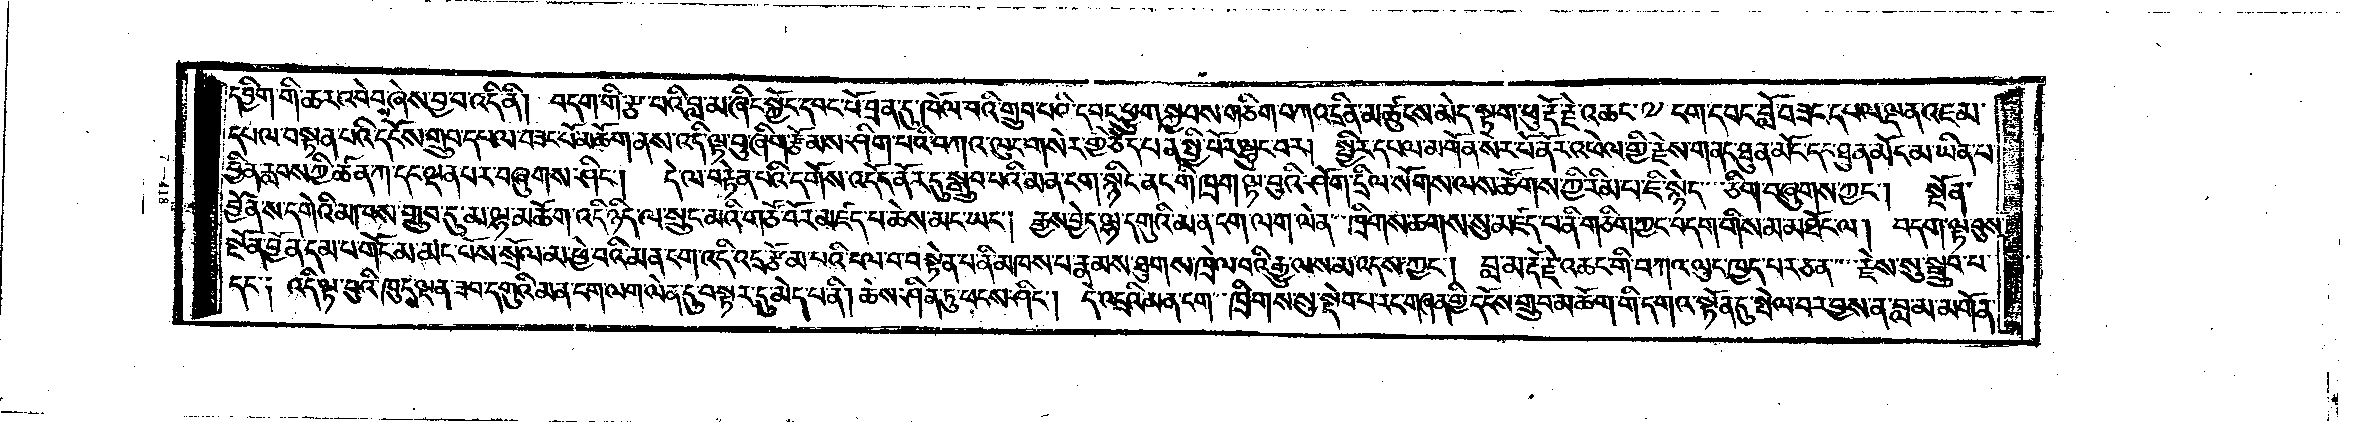དབྱིག་གི་ཆར་འབེབ་ཞེས་བྱ་བ་འདི་ནི། བདག་གི་རྩ་བའི་བླ་མ་ཞིང་སྐྱོང་དབང་པོ་བྲན་དུ་ཁོལ་བའི་གྲུབ་པའི་དབང་ཕྱུག་སྐྱབས་གཅིག་བཀའ་དྲིན་མཚུངས་མེད་སྟག་ཕུ་རྡོ་རྗེ་འཆང ༧་ངག་དབང་བློ་བཟང་དཔལ་ལྡན་འཇམ་
དཔལ་བསྟན་པའི་དངོས་གྲུབ་དཔལ་བཟང་པོ་མཆོག་ནས་འདི་ལྟ་བུ་ཞིག་རྩོམས་ཤིག་པའི་བཀའ་ལུང་གསེར་གྱི་ཅོད་པན་སྤྱི་བོར་ལྷུང་བར། སྤྱིར་དཔལ་མགོན་སེར་པོ་ནོར་འཕེལ་གྱི་རྗེས་གནང་ཐུན་མོང་དང་ཐུན་མོང་མ་ཡིན་པ་
བྱིན་རླབས་ཀྱི་ཚན་ཀ་དང་ལྡན་པར་བཞུགས་ཤིང་། དེ་ལ་བརྟེན་པའི་དགོས་འདོད་ནོར་དུ་སྒྲུབ་པའི་མན་ངག་སྙིང་ནང་གི་ཁྲག་ལྟ་བུའི་ཤོག་དྲིལ་སོགས་ལས་ཚོགས་ཀྱི་རིམ་པ་ཇི་སྙེད་ཅིག་བཞུགས་ཀྱང་། སྔོན་
བྱོན་ས་དགེའི་མཁས་གྲུབ་དུ་མ་ལྷ་མཆོག་འདི་ཉིད་ལ་སྲུང་མའི་གཙོ་བོར་མཛད་པ་ཆེས་མང་ཡང་། རྒྱས་བྱེད་ལྷ་དགུའི་མན་ངག་ལག་ལེན་ཁྲིགས་ཆགས་སུ་མཛད་པ་ནི་གཅིག་ཀྱང་བདག་གིས་མ་མཐོང་ལ། བདག་ལྟ་བུས་
སྔོན་བྱོན་དམ་པ་གོང་མ་མང་པོས་སྲོལ་མ་ཕྱེ་བའི་མན་ངག་འདི་འདྲ་རྩོམ་པའི་ངལ་བ་བསྟེན་པ་ནི་མཁས་པ་རྣམས་ཐུགས་ཁྲེལ་བའི་རྒྱུ་ལས་མ་འདས་ཀྱང་། བླ་མ་རྡོ་རྗེ་འཆང་གི་བཀའ་ལུང་ཁྱད་པར་ཅན་རྗེས་སུ་སྒྲུབ་པ་
དང༑ འདི་ལྟ་བུའི་ཁུངས་ལྡན་ཟབ་དགུའི་མན་ངག་ལག་ལེན་དུ་བསྟར་དུ་མེད་པ་ནི། ཆེས་ཤིན་ཏུ་ཕངས་ཤིང་། དེ་འདྲའི་མན་ངག་ཁྲིགས་སུ་སྡེབ་པ་རང་གཞན་གྱི་དངོས་གྲུབ་མཆོག་གི་དགའ་སྟོན་དུ་སྤེལ་བར་བྱས་ན་བླ་མ་མགོན་